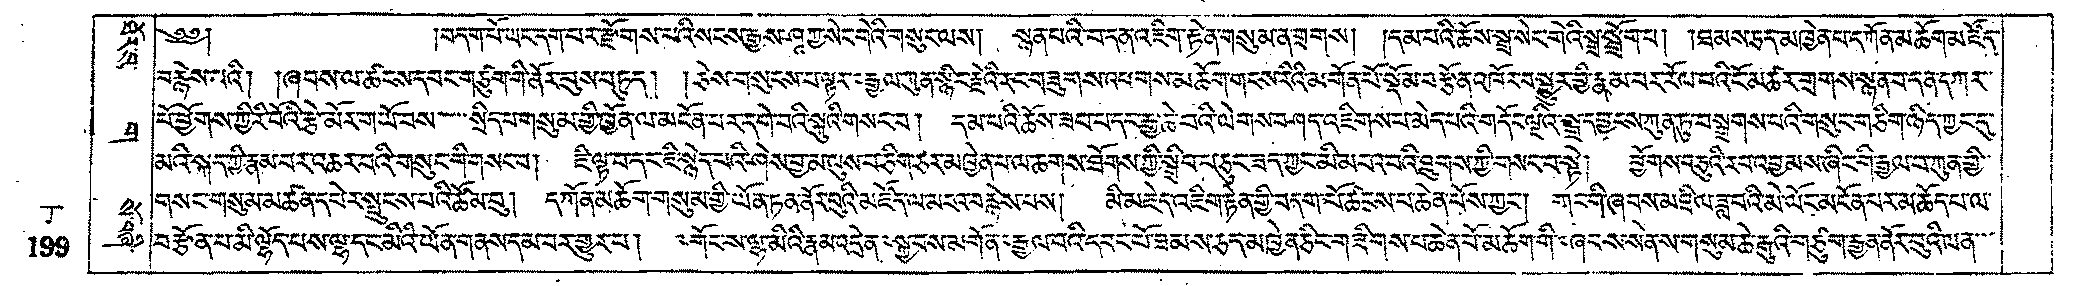༄༅། །བདག་པོ་ཡང་དག་པར་རྫོགས་པའི་སངས་རྒྱས་ཤཱཀྱ་སེང་གེའི་གསུང་ལས། སྙན་པའི་བ་དན་འཇིག་རྟེན་གསུམ་ན་གྲགས། །དམ་པའི་ཆོས་སྒྲ་སེང་གེའི་སྒྲ་སྒྲོག་པ། །ཐམས་ཅད་མཁྱེན་པ་དཀོན་མཆོག་མཛོད་
བརྙེས་པའི། །ཞབས་ལ་ཚངས་དབང་གཙུག་གི་ནོར་བུས་བཏུད། །ཅེ་གསུངས་པ་ལྟར ༧རྒྱལ་ཀུན་སྙིང་རྗེའི་རང་གཟུགས་འཕགས་མཆོག་གངས་རིའི་མགོན་པོ་སྡོམ་བརྩོན་འཁོར་བསྒྱུར་གྱི་རྣམ་པར་རོལ་རོལ་བའི་ངོ་མཚར་གྲགས་སྙན་བ་དན་དཀར་་་
པོ་ཕྱོགས་ཀྱི་རི་བོའི་རྩེ་མོར་གཡོ་བས་་་སྲིད་པ་གསུམ་གྱི་ཁྱོན་ལ་མངོན་པར་དགེ་བའི་སྐུའི་གསང་བ། དམ་པའི་ཆོས་ཟབ་པ་དང་རྒྱ་ཆེ་བའི་ལེགས་བཤད་འཇིགས་པ་མེད་པའི་གདོང་ལྔའི་སྒྲ་དབྱངས་ཀུན་ཏུ་བསྒྲགས་པའི་གསུང་གཅིག་ཉིད་ཀྱང་དུ་
མའི་སྐད་ཀྱི་རྣམ་པར་འཆར་བའི་གསུང་གི་གསང་བ། ཇི་ལྟ་བ་དང་ཇི་སྙེད་པའི་ཤེས་བྱ་མ་ལུས་པ་ཅིག་ཅར་མཁྱེན་པ་ལ་ཆགས་ཐོགས་ཀྱི་སྒྲིབ་པ་ཅུང་ཟད་ཀྱང་མི་མངའ་བའི་ཐུགས་ཀྱི་གསང་བ་སྟེ། ཕྱོགས་བཅུའི་རབ་འབྱམས་ཞིང་གི་རྒྱལ་བ་ཀུན་གྱི་་་་གསང་གསུམ་མཚན་དཔེར་སྤུངས་པའི་ཚོམ་བུ། དཀོན་མཆོག་གསུམ་གྱི་ཡོན་ཏན་ནོར་བུའི་མཛོད་ལ་མངའ་བརྙེས་པས། མི་མཇེད་འཇིག་རྟེན་གྱི་བདག་པོ་ཚངས་པ་ཆེན་པོས་ཀྱང་། གང་གི་ཞབས་མཐིལ་ཟླ་བའི་མེ་ལོང་མངོན་པར་མཆོད་པ་ལ་
བརྩོན་པ་མི་ལྷོད་པས་ལྷ་དང་མིའི་ཡོན་གནས་དམ་པར་གྱུར་པ། ༧གོང་ས་ལྷ་མིའི་རྣམ་འདྲེན ༧སྐྱབས་མགོན ༧རྒྱལ་བའི་དབང་པོ་ཐམས་ཅད་མཁྱེན་ཅིང་གཟིགས་པ་ཆེན་པོ་མཆོག་གི ༧ཞབས་སེན་ས་གསུམ་ཆེ་རྒུའི་གཙུག་རྒྱན་ནོར་བུའི་ལན་་་